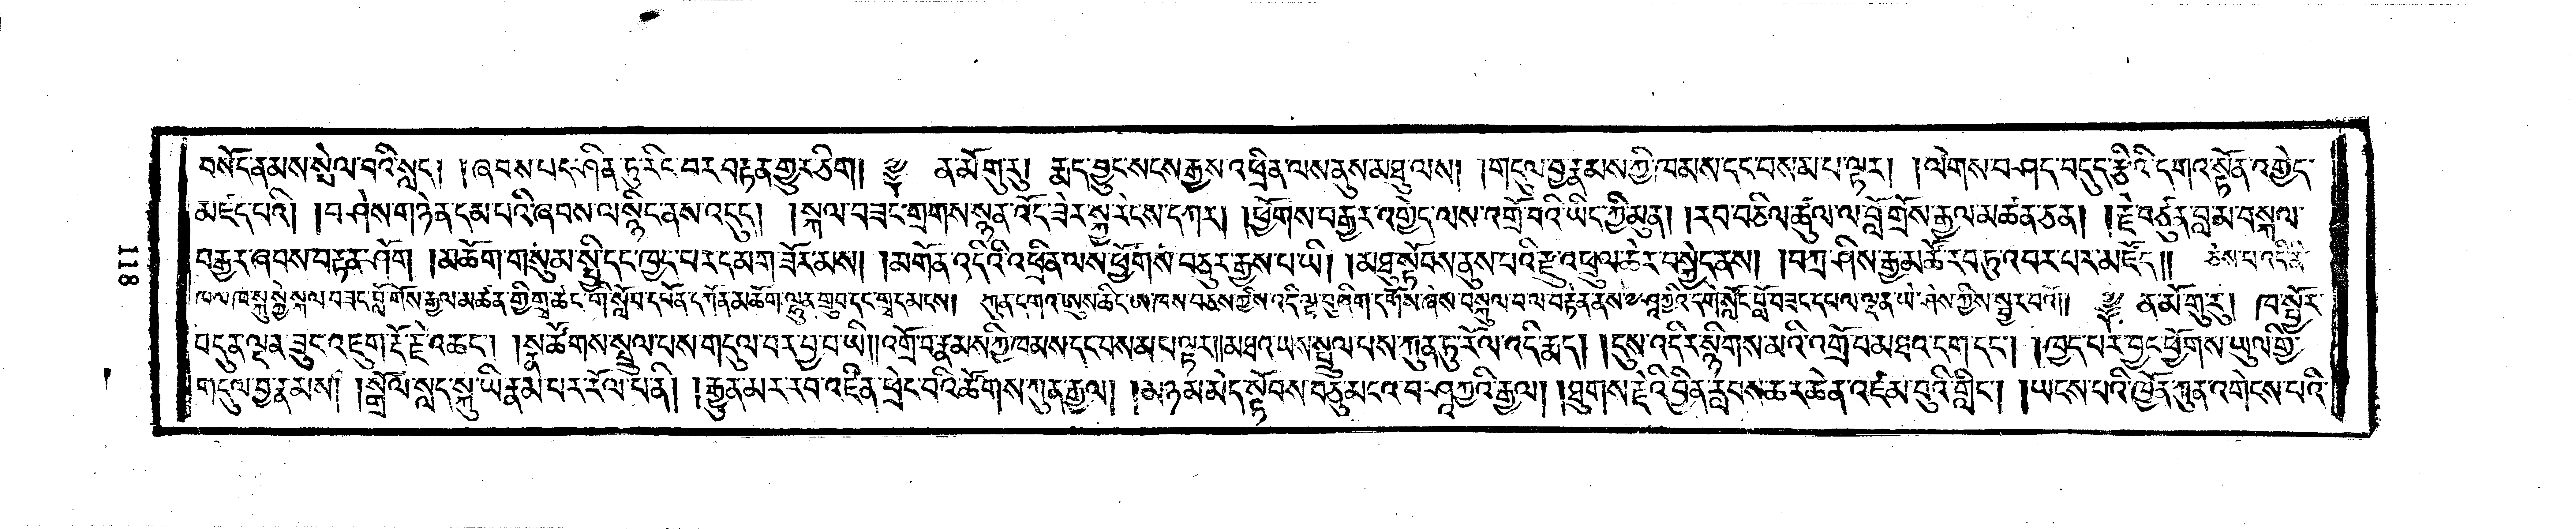བསོད་ནམས་སྤེལ་བའི་སླད། །ཞབས་པད་ཤིན་ཏུ་རིང་བར་བརྟན་གྱུར་ཅིག། ༈ ན་མོ་གུ་རུ། རྨད་བྱུང་སངས་རྒྱས་འཕྲིན་ལས་ནུས་མཐུ་ལས། །གདུལ་བྱ་རྣམས་ཀྱི་ཁམས་དང་བསམ་པ་ལྟར། །ལེགས་བཤད་བདུད་རྩིའི་དགའ་སྟོན་འགྱེད་
མཛད་པའི། །བཤེས་གཉེན་དམ་པའི་ཞབས་ལ་སྙིང་ནས་འདུད། །སྐལ་བཟང་གྲགས་སྙན་འོད་ཟེར་སྐྱ་རེངས་དཀར། །ཕྱོགས་བརྒྱར་འགྱེད་ལས་འགྲོ་བའི་ཡིད་ཀྱི་མུན། །རབ་བཅིལ་ཚུལ་ལ་བློ་གྲོས་རྒྱལ་མཚན་ཅན། །རྗེ་བཙུན་བླ་མ་བསྐལ་
བརྒྱར་ཞབས་བརྟན་ཤོག །མཆོག་གསུམ་སྤྱི་དང་ཁྱད་བར་དམག་ཟོར་མས། །མགོན་འདིའི་འཕྲིན་ལས་ཕྱོགས་བཅུར་རྒྱས་པ་ཡི། །མཐུ་སྟོབས་ནུས་པའི་རྫུ་འཕྲུལ་ཆེར་བསྐྱེད་ནས། །བཀྲ་ཤིས་རྒྱ་མཚོ་རབ་ཏུ་འབར་པར་མཛོད།། ཅེས་པ་འདི་ནི་
ཁལ་ཁ་སྐུ་སྐྱེ་སྐལ་བཟང་བློ་གོས་རྒྱལ་མཚན་གྱི་གྲྭ་ཚང་གི་སློབ་དཔོན་དཀོན་མཆོག་ལྷུན་གྲུབ་དང་གྲྭ་དམངས། ཀུན་དགའ་ཨུས་ཅིང་ཨ་ཁས་བཅས་ཀྱིས་འདི་ལྷ་བུ་ཞིག་དགོས་ཞེས་བསྐུལ་བ་ལ་བརྟེན་ནས་༧་ཤཱཀྱའི་དགེ་སློང་བློ་བཟང་དཔལ་ལྡན་ཡེ་ཤེས་ཀྱིས་སྦྱར་བའོ།། ༈ ན་མོ་གུ་རུ། ཁ་སྦྱོར་
བདུན་ལྡན་ཟུང་འཇུག་རྡོ་རྗེ་འཆང་། །སྣ་ཚོགས་སྤྲུལ་པས་གདུལ་བར་བྱ་བ་ཡི། །འགྲོ་བ་རྣམས་ཀྱི་ཁམས་དང་བསམ་པ་ལྟར། །མཐའ་ཡས་སྤྲུལ་པས་ཀུན་ཏུ་རོལ་འདི་རྨད། །དུས་འདིར་སྙིགས་མའི་འགྲོ་བ་མཐའ་དག་དང་། །ཁྱད་པར་བྱང་ཕྱོགས་ཡུལ་གྱི་
གདུལ་བྱ་རྣམས། །སྒྲོལ་སླད་སྐུ་ཡི་རྣམ་པར་རོལ་པ་ནི། །རྒྱུན་མར་རབ་འཛིན་ཕྲེང་བའི་ཚོགས་ཀུན་རྒྱལ། །མཉམ་མེད་སྟོབས་བཅུ་མངའ་བ་ཤཱཀྱའི་རྒྱལ། །ཐུགས་རྗེའི་བྱིན་རླབས་ཆར་ཆེན་འཛམ་བུའི་གླིང་། །ཡངས་པའི་ཁྱོན་ཀུན་འགེངས་པའི་